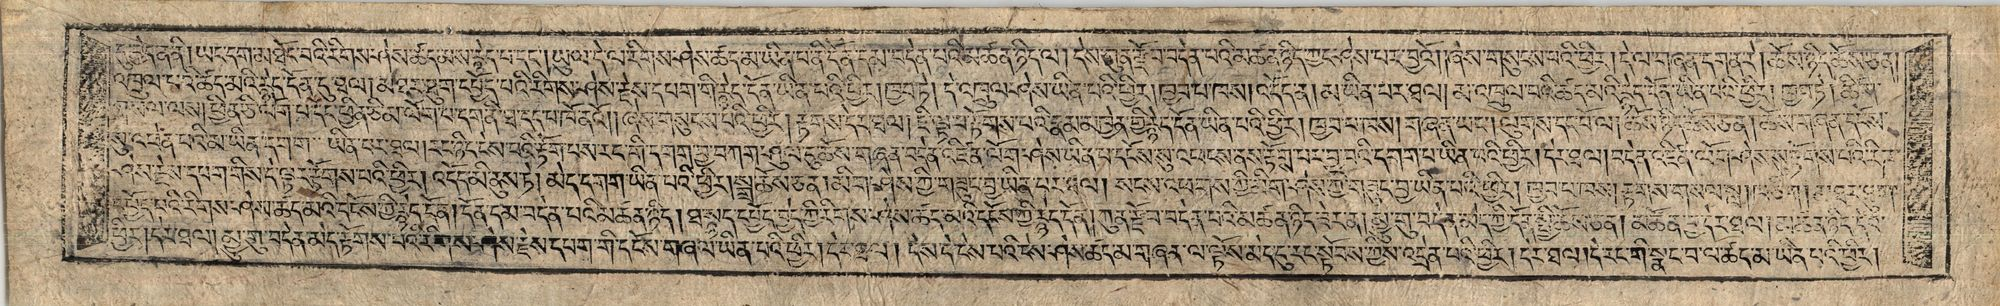དུ་བྱེད་ན་ནི། ཡང་དག་མཐོང་བའི་རིགས་ཤེས་ཚད་མས་རྙེད་པ་དང་། ཡུལ་དེ་ལ་རིགས་ཤེས་ཚད་མ་ཡིན་པ་ནི་དོན་དམ་བདེན་པའི་མཚན་ཉིད་ལ། དེས་ཀུན་རྫོབ་བདེན་པའི་མཚན་ཉིད་ཀྱང་ཤེས་པར་བྱའོ། །ཞེས་གསུངས་པའི་ཕྱིར། དེ་ལ་གཞན་དག་ན་རེ། ཆོས་ཉིད་ཆོས་ཅན།
འཁྲུལ་པའི་ཚད་མའི་རྙེད་དོན་དུ་ཐལ། མཐར་ཐུག་དཔྱོད་པའི་རིགས་ཤེས་རྗེས་དཔག་གི་རྙེད་དོན་ཡིན་པའི་ཕྱིར། ཁྱབ་ཏེ། དེ་འཁྲུལ་ཤེས་ཡིན་པའི་ཕྱིར། ཁྱབ་པ་ཁས། འདོད་ན། མ་ཡིན་པར་ཐལ། མ་འཁྲུལ་པའི་ཚད་མའི་རྙེད་དོན་ཡིན་པའི་ཕྱིར། ཁྱབ་ཏེ། ཚིག་
གསལ་ལས། ཕྱིན་ཅི་ལོག་པ་དང་ཕྱིན་ཅི་མ་ལོག་པ་དག་ནི་ཐ་དད་པ་ཁོ་ནའོ། །ཞེས་གསུངས་པའི་ཕྱིར། རྟགས་དེར་ཐལ། ཇི་ལྟ་བ་རྟོགས་པའི་རྣམ་མཁྱེན་གྱི་རྙེད་དོན་ཡིན་པའི་ཕྱིར། ཁྱབ་པ་ཁས། གཞན་ཡང་། ལུགས་དང་པོ་ལ། ཆོས་ཉིད་ཆོས་ཅན། ཆོས་གཞན་དངོས་
སུ་འཕེན་པའི་མ་ཡིན་དགག་ཡིན་པར་ཐལ། རང་ཉིད་ངེས་པའི་རྟོག་པས་རང་གི་དགག་བྱ་བཀག་ཤུལ་དུ་ཆོས་གཞན་བདེན་འཛིན་ལོག་ཤེས་ཡིན་པ་དངོས་སུ་འཕངས་ནས་རྟོགས་པར་བྱ་བའི་དགག་པ་ཡིན་པའི་ཕྱིར། དེར་ཐལ། བདེན་འཛིན་ལོག་ཤེས་སུ་རྟོགས་པའི་རིགས་
ཤེས་རྗེས་དཔག་གིས་དེ་ལྟར་རྟོགས་པའི་ཕྱིར། འདོད་མི་ནུས་ཏེ། མེད་དགག་ཡིན་པའི་ཕྱིར། སྒྲ་ཆོས་ཅན། མིག་ཤེས་ཀྱི་གཟུང་བྱ་ཡིན་པར་ཐལ། སངས་འཕགས་ཀྱི་མིག་ཤེས་ཀྱི་གཟུང་བྱ་ཡིན་པའི་ཕྱིར། ཁྱབ་པ་ཁས། རྟགས་གསལ་སླ། ཁ་ཅིག །མཐར་ཐུག་
དཔྱོད་པའི་རིགས་ཤེས་ཚད་མའི་དངོས་ཀྱི་རྙེད་དོན། དོན་དམ་བདེན་པའི་མཚན་ཉིད། ཐ་སྙད་དཔྱོད་བྱེད་ཀྱི་རིགས་ཤེས་ཚད་མའི་དངོས་ཀྱི་རྙེད་དོན། ཀུན་རྫོབ་བདེན་པའི་མཚན་ཉིད་ཟེར་ན། མྱུ་གུ་བདེན་མེད་ཀྱི་དོན་སྤྱི་ཆོས་ཅན། མཚོན་བྱ་དེར་ཐལ། མཚན་ཉིད་དེའི་
ཕྱིར། དེར་ཐལ། མྱུ་གུ་བདེན་མེད་རྟོགས་པའི་རིགས་ཤེས་རྗེས་དཔག་གི་དངོས་གཞལ་ཡིན་པའི་ཕྱིར། དེར་ཐལ། དེས་དེ་ངེས་པའི་ངེས་ཤེས་ཚད་མ་གཞན་ལ་ལྟོས་མེད་དུ་རང་སྟོབས་ཀྱིས་འདྲེན་པའི་ཕྱིར། དེར་ཐལ། དེ་རང་གི་སྣང་བ་ལ་ཚད་མ་ཡིན་པའི་ཕྱིར།